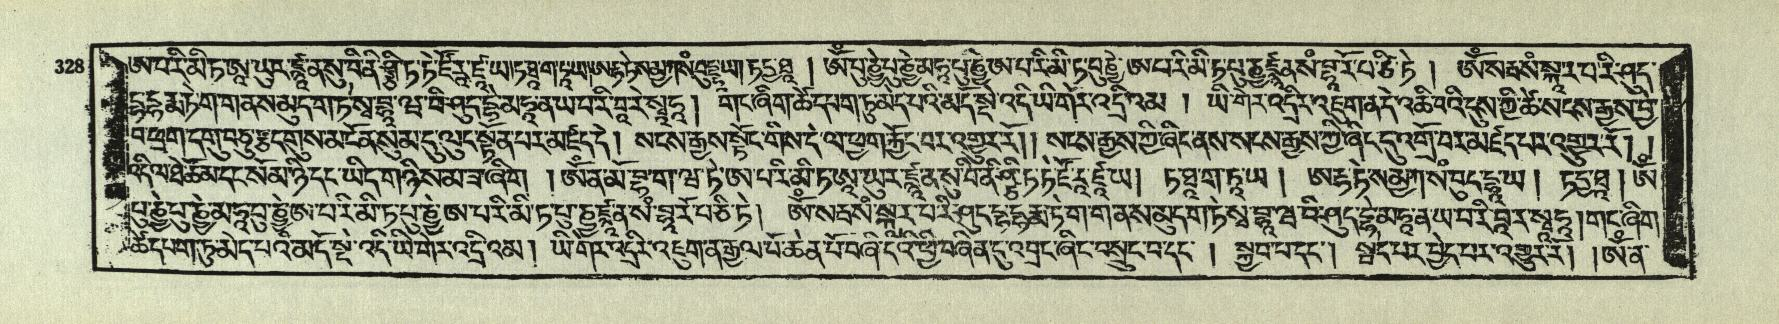ཨ་པ་རི་མི་ཏ་ཨཱ་ཡུར་ཛྙཱ་ན་སུ་བི་ནི་ཤྩི་ཏ་ཏེ་ཛོ་རཱ་ཛཱ་ཡ། ཏ་ཐའ་ག་ཏཱ་ཡ། ཨརྷ་ཏ་སམྱཀ་སཾ་བུདྡྷཱ་ཡ། ཏདྱ་ཐཱ། ཨོཾ་པུ་ཎྱེ་པུ་ཎྱེ་མཧཱ་པུ་ཎྱེ་ཨ་པ་རི་མི་ཏ་པུ་ཎྱེ་ཨ་པ་རི་མི་ཏ་པུ་ཎྱ་ཛྙཱ་ན་སཾ་བྷཱ་རོ་པ་ཙི་ཏེ། ཨོཾ་སརྦ་སཾ་སྐཱ་ར་པོ་རི་ཤུད་
དྷ་དྷརྨ་ཏེ་ག་ག་ན་ས་མུད་ག་ཏེ་སྭ་བྷཱ་ཝ་བི་ཤུད་དྷེ་མཧཱ་ན་ཡ་པ་རི་བཱ་རེ་སྭཱཧཱ། གང་ཞིག་ཚེ་དཔག་ཏུ་མེད་པའི་མདོ་སྡེ་འདི་ཡི་གེར་འདྲི་འམ། ཡི་གེར་འདྲིར་འཇུག་ན་དེ་འཆི་བའི་དུས་ཀྱི་ཚེ་སངས་རྒྱས་བྱེ་
བ་ཕྲག་དགུ་བཅུ་རྩ་དགུས་མངོན་སུམ་དུ་ལུང་སྟོན་པར་མཛད་དེ། སངས་རྒྱས་སྟོང་གིས་དེ་ལ་ཕྱག་རྐྱོང་བར་འགྱུར་རོ། །སངས་རྒྱས་ཀྱི་ཞིང་ནས་སངས་རྒྱས་ཀྱི་ཞིང་དུ་འགྲོ་བར་མཛད་པར་འགྱུར་རོ། །
འདི་ལ་ཐེ་ཚོམ་དང་སོམ་ཉི་དང་ཡིད་གཉིས་མ་ཟ་ཞིག །ཨོཾ་ན་མོ་བྷ་ག་ཝ་ཏེ་ཨ་པ་རི་མི་ཏ་ཨཱ་ཡུར་ཛྙཱ་ན་སུ་བི་ནི་ཤྩི་ཏ་ཏེ་ཛོ་རཱ་ཛཱ་ཡ། ཏ་ཐཱ་ག་ཏཱ་ཡ། ཨརྷ་ཏེ་སམྱཀ་སཾ་བུད་དྷཱ་ཡ། ཏདྱ་ཐཱ། ཨོཾ་
པུ་ཎྱེ་པུ་ཎྱེ་མཧཱ་པུ་ཎྱེ་ཨ་པ་རི་མི་ཏ་པུ་ཎྱེ་ཨ་པ་རི་མི་ཏ་པུ་ཎྱ་ཛྙཱ་ན་སཾ་བྷཱ་རོ་པ་ཙི་ཏེ། ཨོཾ་སརྦ་སཾ་སྐཱ་ར་པ་རི་ཤུད་དྷ་དྷརྨ་ཏེ་ག་ག་ན་ས་མུད་ག་ཏེ་སྭ་བྷཱ་ཝ་བི་ཤུད་དྷེ་མཧཱ་ན་ཡ་པ་རི་བཱ་རེ་སྭཱཧཱ། གང་ཞིག་
ཚེ་དཔག་ཏུ་མེད་པའི་མདོ་སྡེ་འདི་ཡི་གེར་འདྲི་འམ། ཡི་གེར་འདྲིར་འཇུག་ན་རྒྱལ་པོ་ཆེན་པོ་བཞི་དེའི་ཕྱི་བཞིན་དུ་འབྲང་ཞིང་བསྲུང་བ་དང་། སྐྱབ་པ་དང་། སྦེང་པར་བྱེད་པར་འགྱུར་རོ། །ཨོཾ་ན་